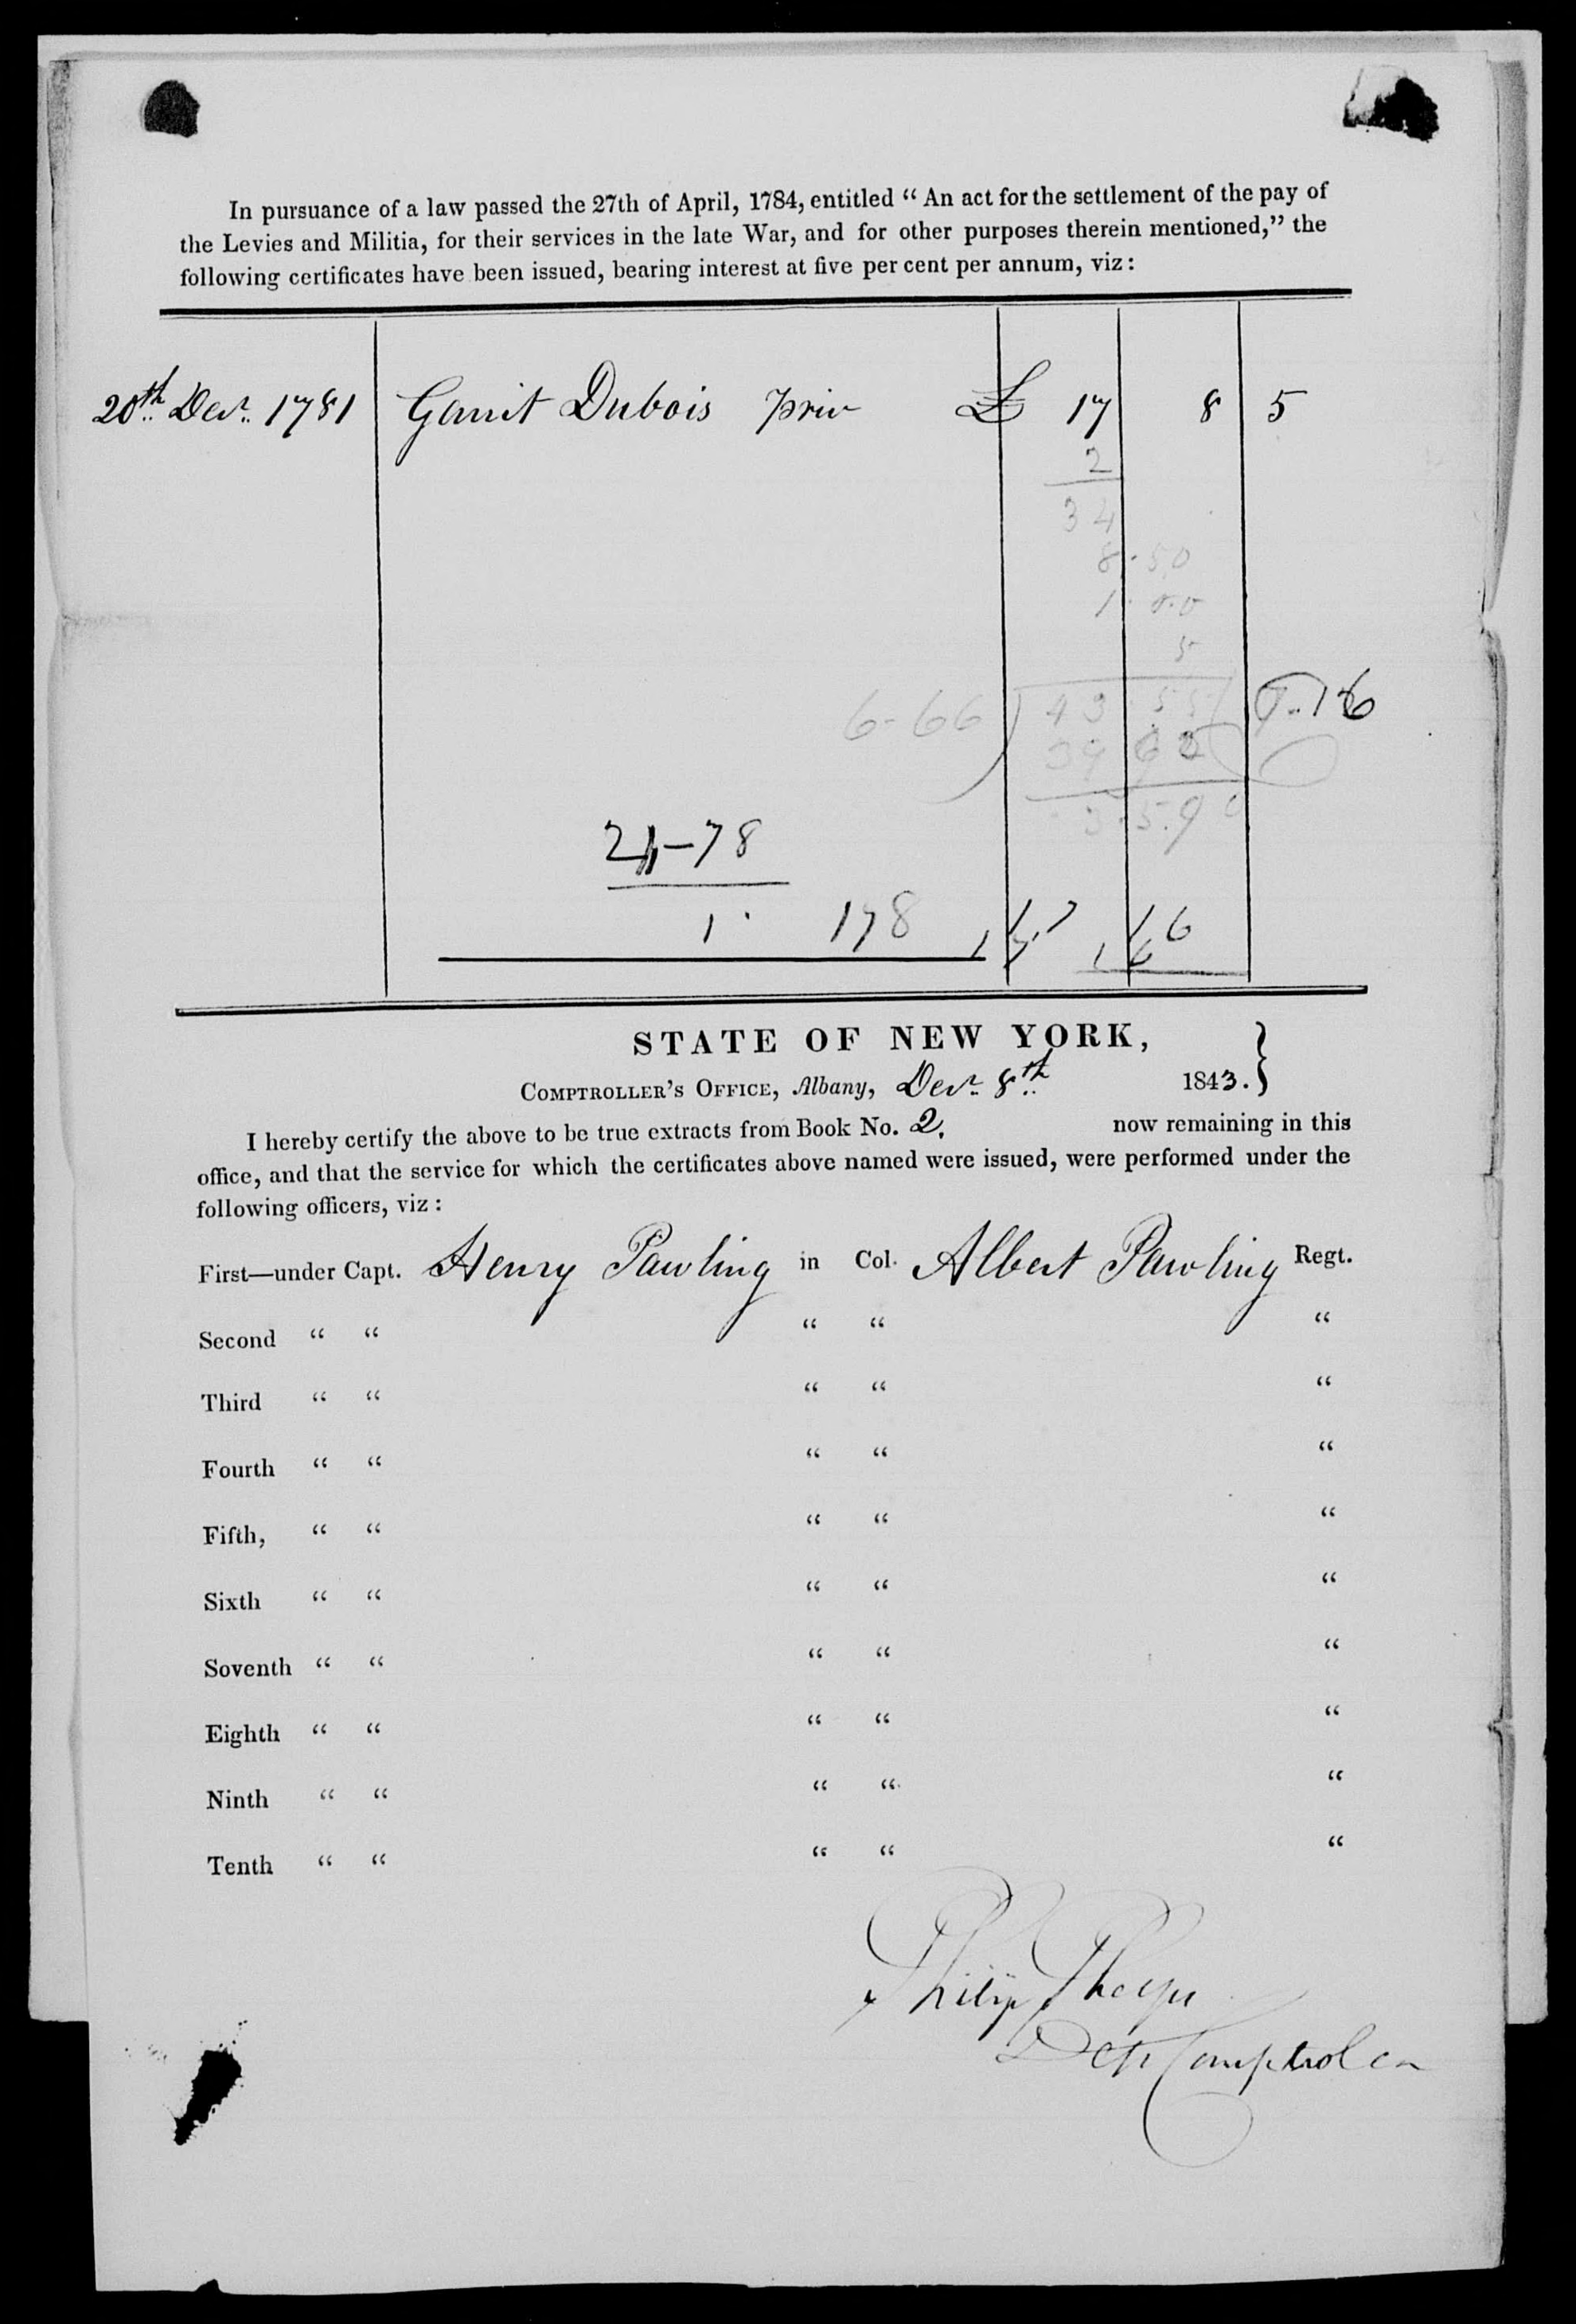In pursuance of a law passed the 27th of April, 1784, entitled "An act for the settlement of the pay of the Levies and Militia, for their services in the late War, and for other purposes therein mentioned," the following certificates have been issued, bearing interest at five per cent per annum, viz:
20th Decr 1781 | Garrit Dubois Priv |  £ 17  |  8  |  5

[a set of computations appears under the currency amount as follows:
17
x2
=34
+8.50
+1.00
+0.05
=43.55
divided by 6.66
=6 w/ remainder 3.59

4-78
--------
1      178  1.7 17 16 16

=======================
STATE OF NEW YORK,
COMPTROLLER'S OFFICE, Albany, Decr 8th 1843.}
I hereby certify the above to be true extracts from Book No. 2. now remaining in this office, and that the service for which the certificates above named were issued, were performed under the following officers, viz:
First- under Capt. Henry Pawling in Col. Albert Pawling Regt.
Second ""
Third ""
Fourth ""
Fifth, ""
Sixth ""
Seventh ""
Eighth ""
Ninth ""
Tenth ""

[signed] Philip Phelps
Dept Comptroler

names: Philip Phelps, Albert Pawling, Henry Pawling, Garrit Dubois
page: 32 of 36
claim: widow's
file: W 20995, Gerrit Dubois, New York